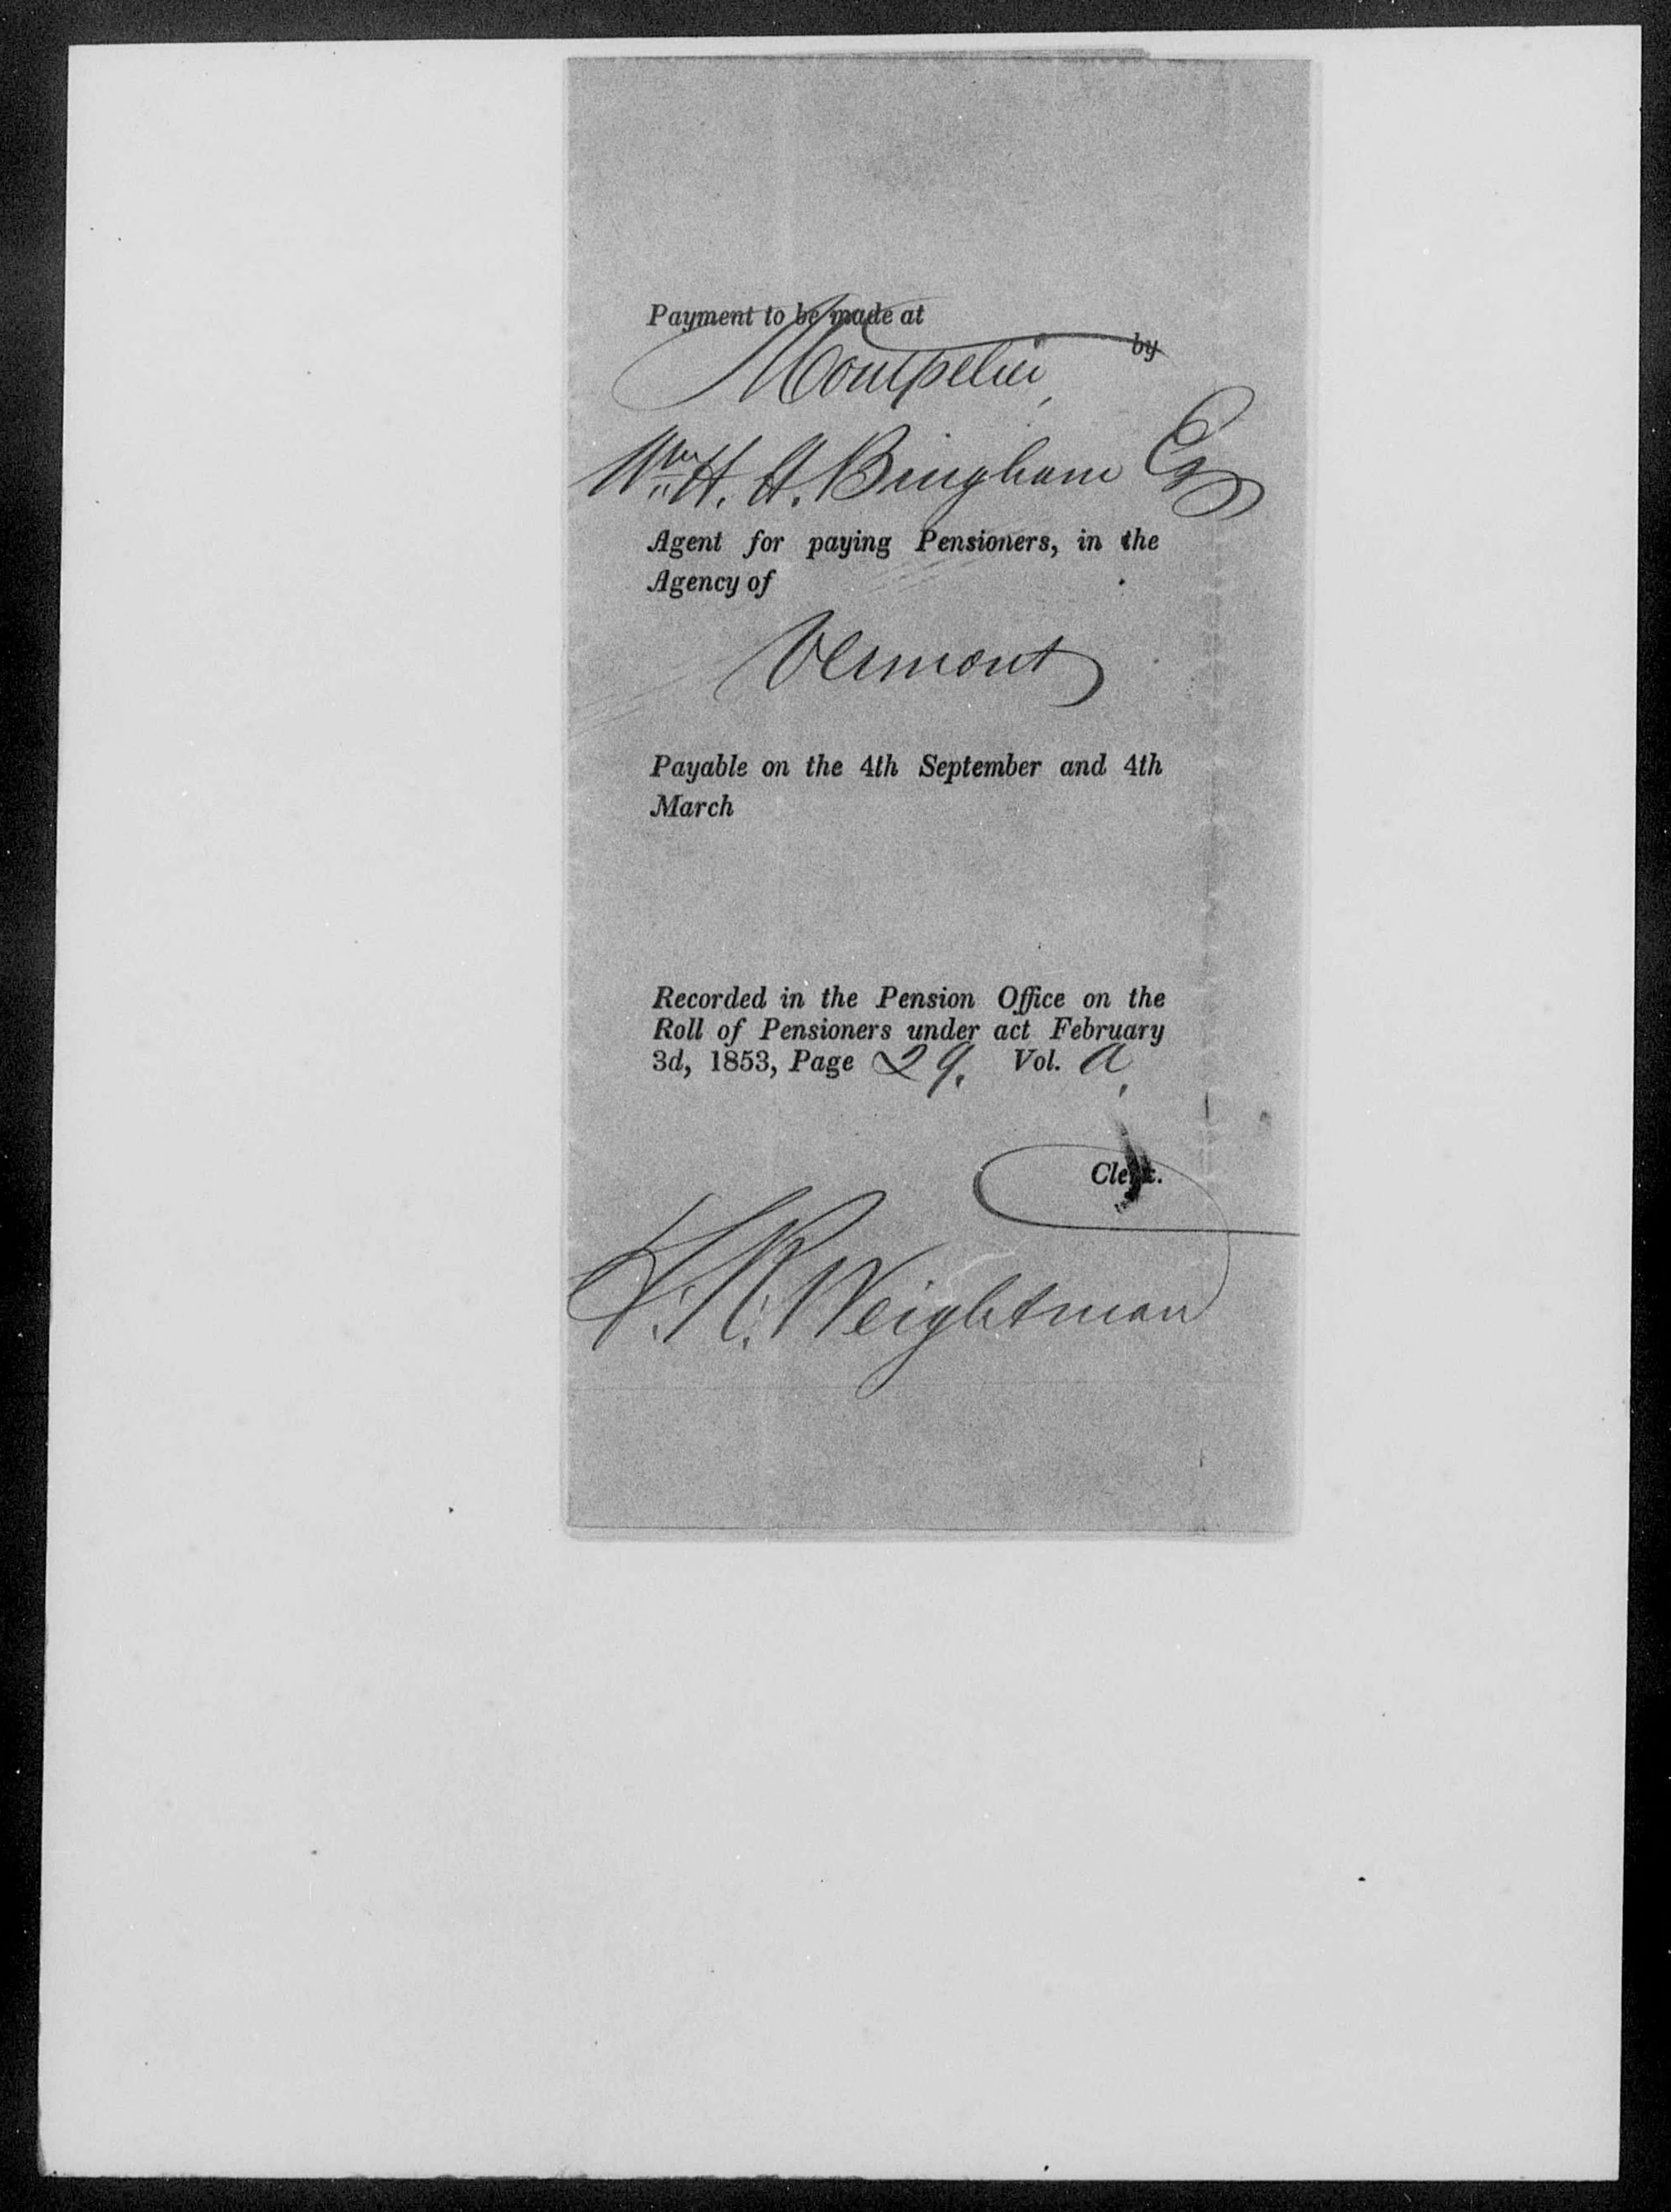Payment to be made at
Montpelier by
Wm H. H. Bingham Esq
Agent for paying Pensioners, in the
Agency of 
Vermont
Payable on the 4th September and 4th March

Recorded in the Pension Office on the Roll of Pensioners under act February 3d, 1853, Page 29, Vol A.

Clerk.
H. R. Weightman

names: Wm H H Bingham, H R Weightman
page: 35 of 47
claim: widow's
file: W. 225, Gilbert Hatch, Conn.